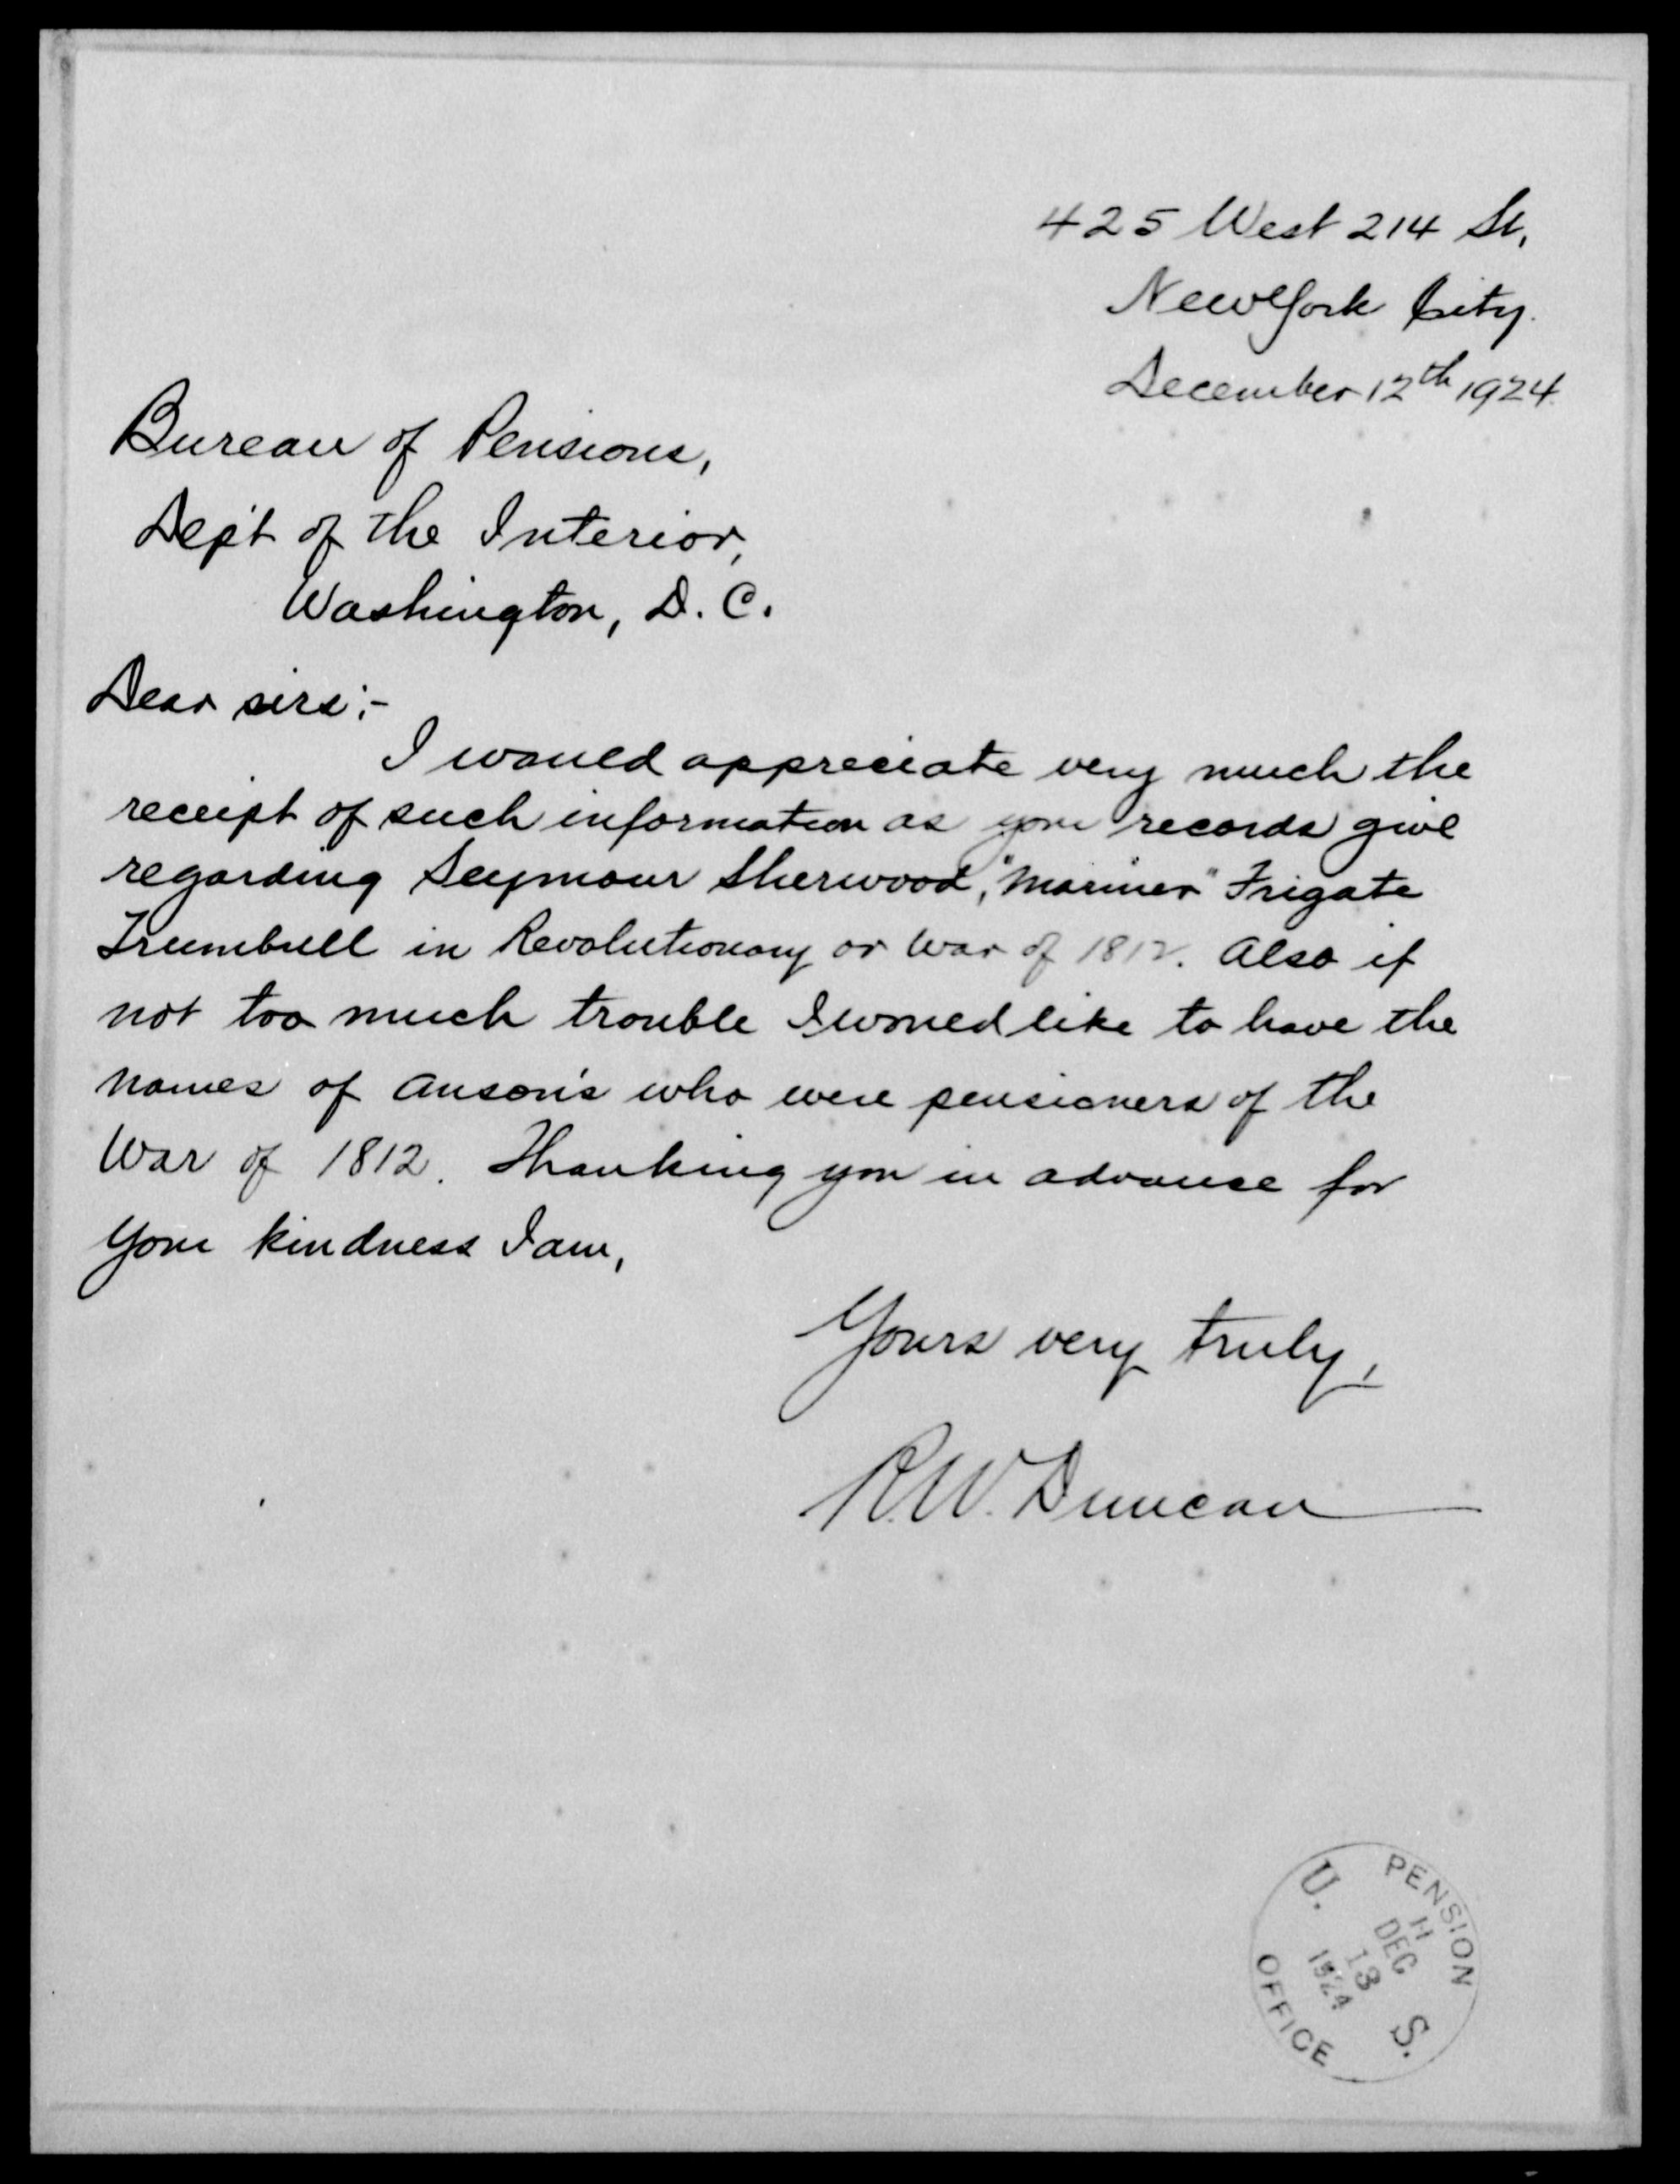425 West 214 St. 
New York City 
December 12th 1924
Bureau of Pensions 
Dept of the Interior 
Washington, D.C. 
Dear Sirs:- 
I would appreciate very much the receipt of such information as you records give regarding Seymour Sherwood, “mariner” Frigate Trumbull in Revolutionary or War of 1812.  Also if not too much trouble would like to have the names of Anson's who were pensioners of the War of 1812. 
Thanking you in advance for Your kindness I am, Yours very truly, 
R. W. Duncan
[stamp] U.S. PENSION OFFICE  H DEC 13 1924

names: R W Duncan; [BLANK] Anson; Seymour Sherwood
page: 28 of 30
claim: survivor's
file: S. 42289, for Seymore Sherwood, Connecticut